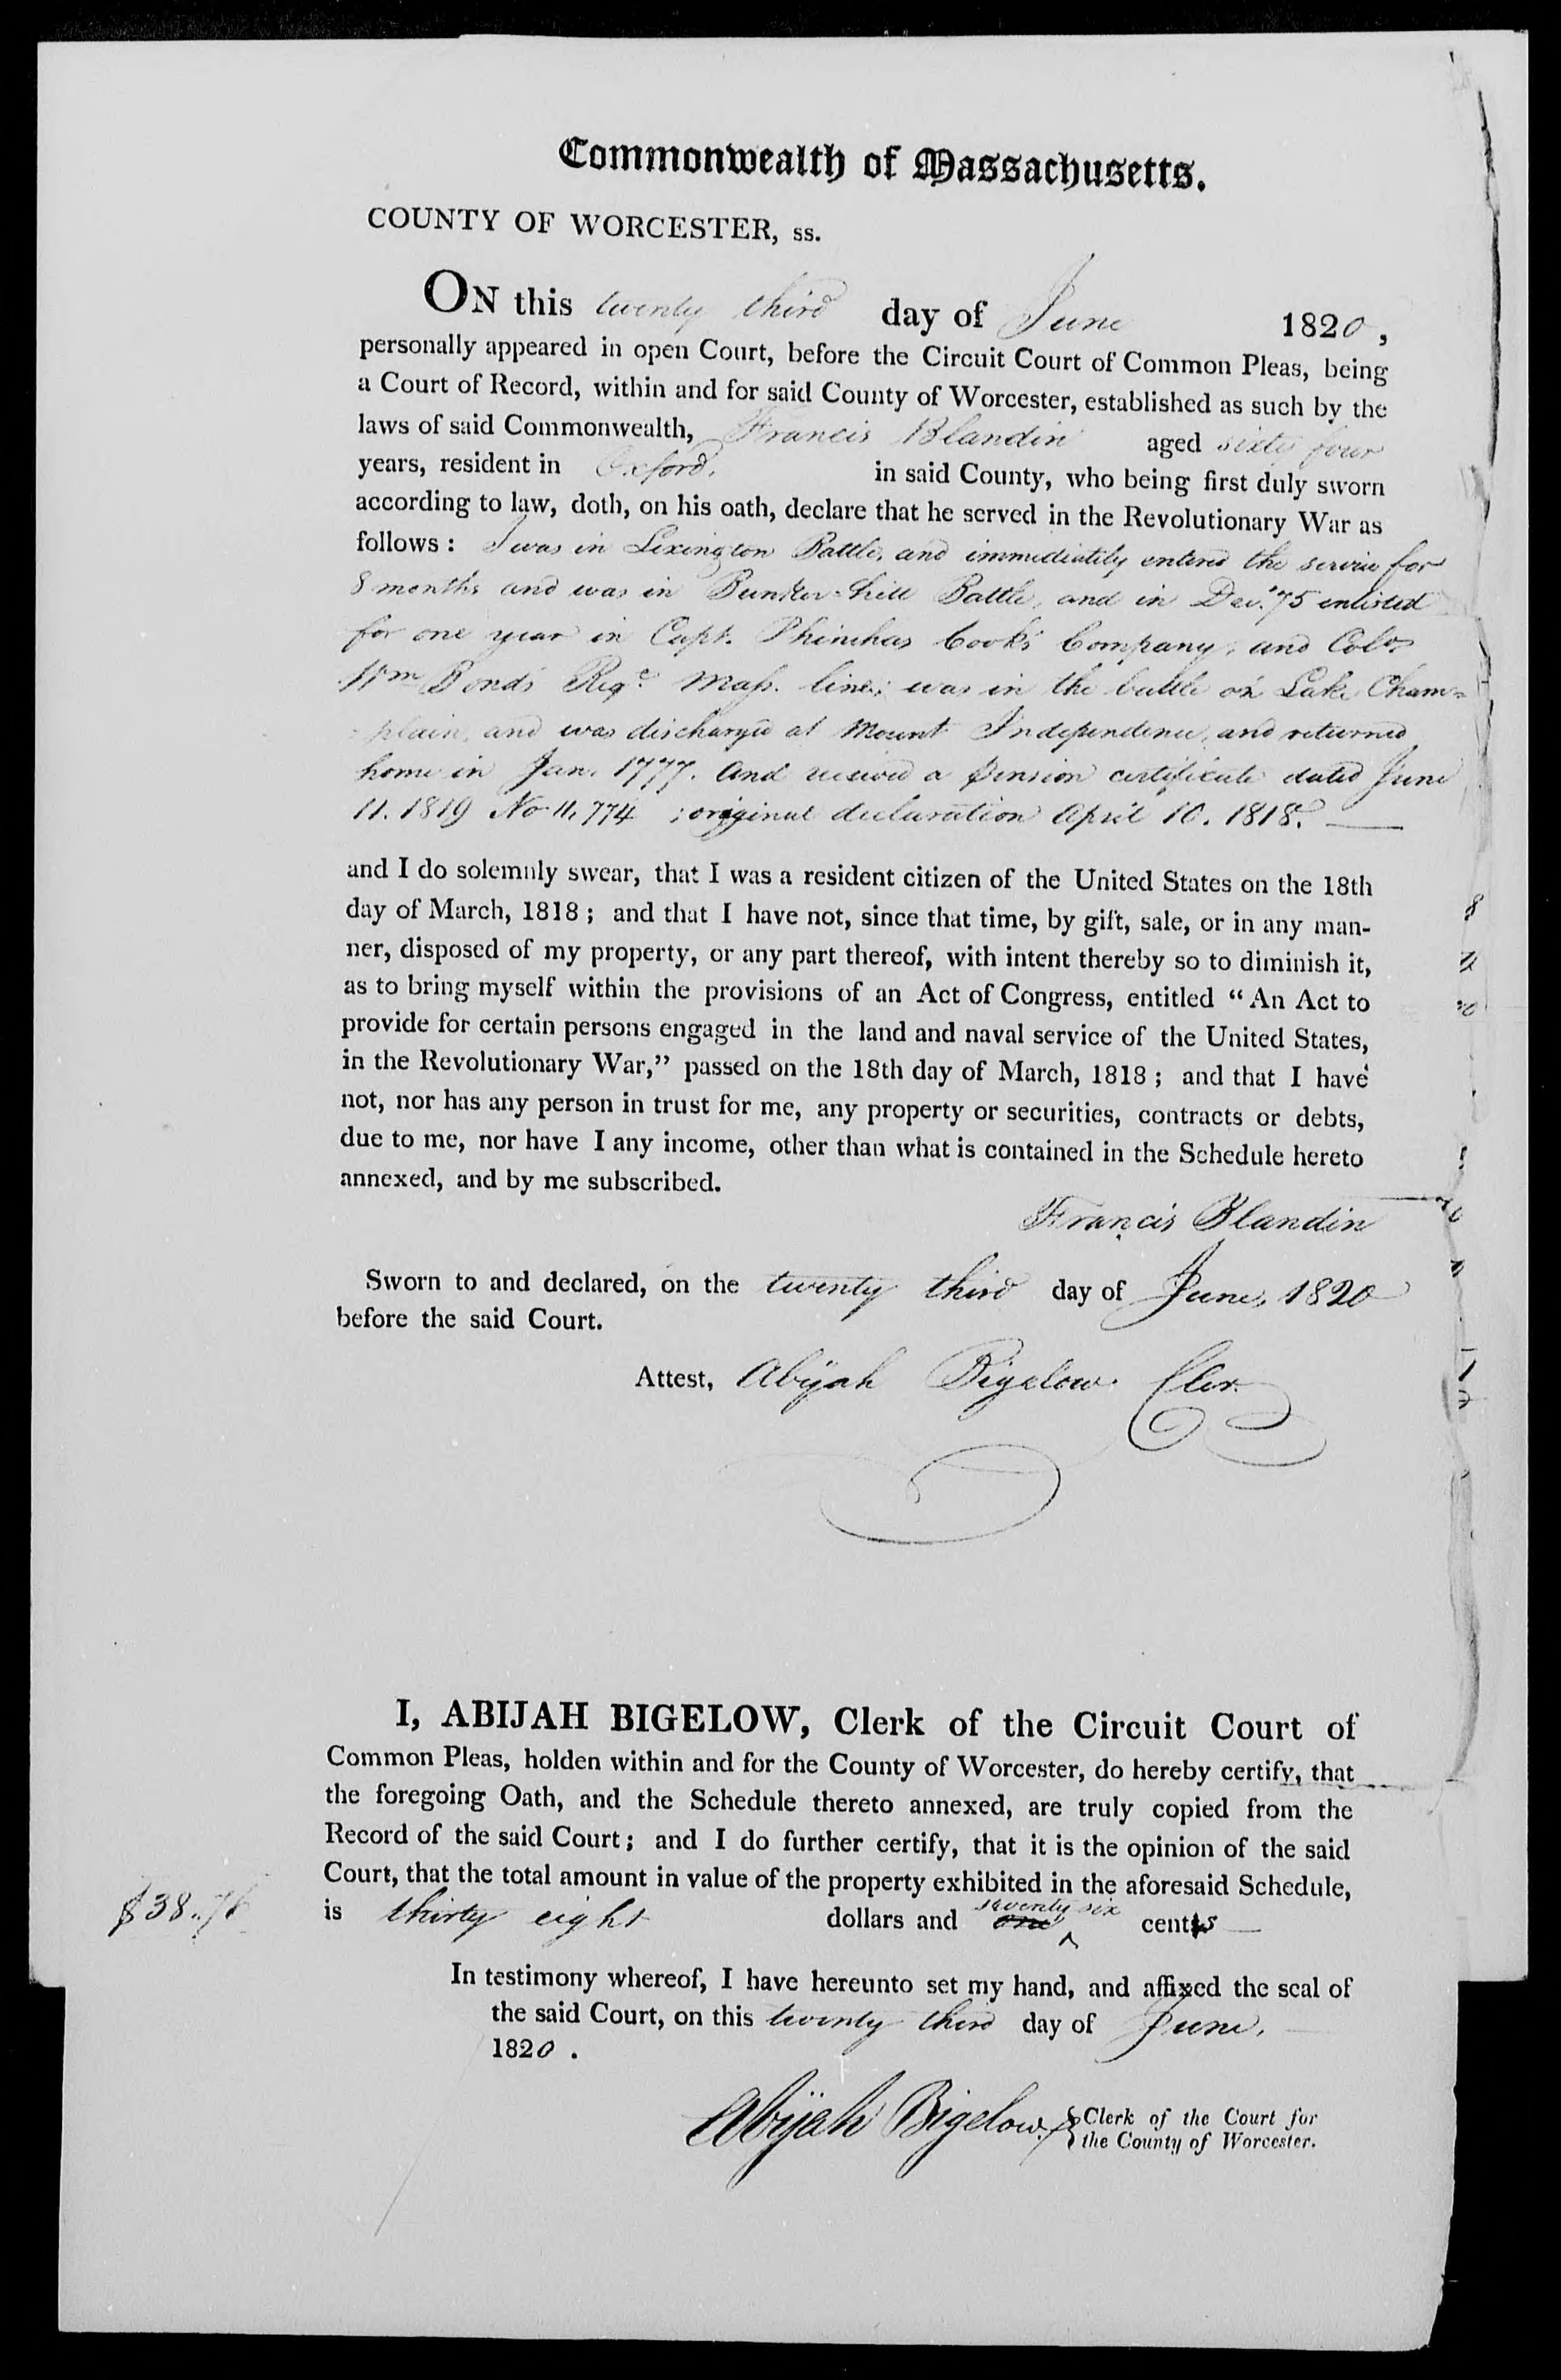Commonwealth of Massachusetts.
COUNTY OF WORCESTER, ss.

before the said Court.

On this twenty third day of June 1820 personally appeared in open Court, before the Circuit Court of Common Pleas, being a Court of Record, within and for said County of Worcester, established as such by the laws of said Commonwealth, Francis Blandin aged sixty-four years, resident in Oxford, in said County, who being first duly sworn
according to law, doth, on his oath, declare that he served in the Revolutionary War as follows:

I was in Lexington Battle, and immediately entered the service for 8 months and was in Bunker hill battle, and in Dec. 75 enlisted for one year in Capt. Phinchas Cook's Company, and Col Wm Bonds Regt Mass line, was in the battle on Lake Cham plain, and was discharged at Mount Independence, and returned home in Jan 1777. and received a pension certificate dated June 11, 1819 No 11, 774, original declaration April 10, 1818.
-
and I do solemnly swear, that I was a resident citizen of the United States on the 18th day of March, 1818; and that I have not, since that time, by gift, sale, or in any man ner, disposed of my property, or any part thereof, with intent thereby so to diminish it, as to bring myself within the provisions of an Act of Congress, entitled "An Act to provide for certain persons engaged in the land and naval service of the United States, in the Revolutionary War,” passed on the 18th day of March, 1818; and that I have not, nor has any person in trust for me, any property or securities, contracts or debts, due to me, nor have I any income, other than what is contained in the Schedule hereto annexed, and by me subscribed.

Francis Blandin

Sworn to and declared, on the twenty third day of June 1820 before the said Court

Attest Abijah Bigelow, Clerk

I, ABIJAH BIGELOW, Clerk of the Circuit Court of Common Pleas, holden within and for the County of Worcester, do hereby certify, that the foregoing Oath, and the Schedule thereto annexed, are truly copied from the Record of the said Court; and I do further certify, that it is the opinion of the said Court, that the total amount in value of the property exhibited in the aforesaid Schedule, is thirty eight dollars and seventy six cents

In testimony whereof, I have hereunto set my hand, and affixed the seal of the said Court, on this twenty third day of June, 1820

Abijah Bigelow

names: Francis Blandin, Francis Blandin, Abijah Bigelow, Abijah Bigelow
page: 5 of 14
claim: survivor's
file: S. 34,049, Francis Blandin, Mass.